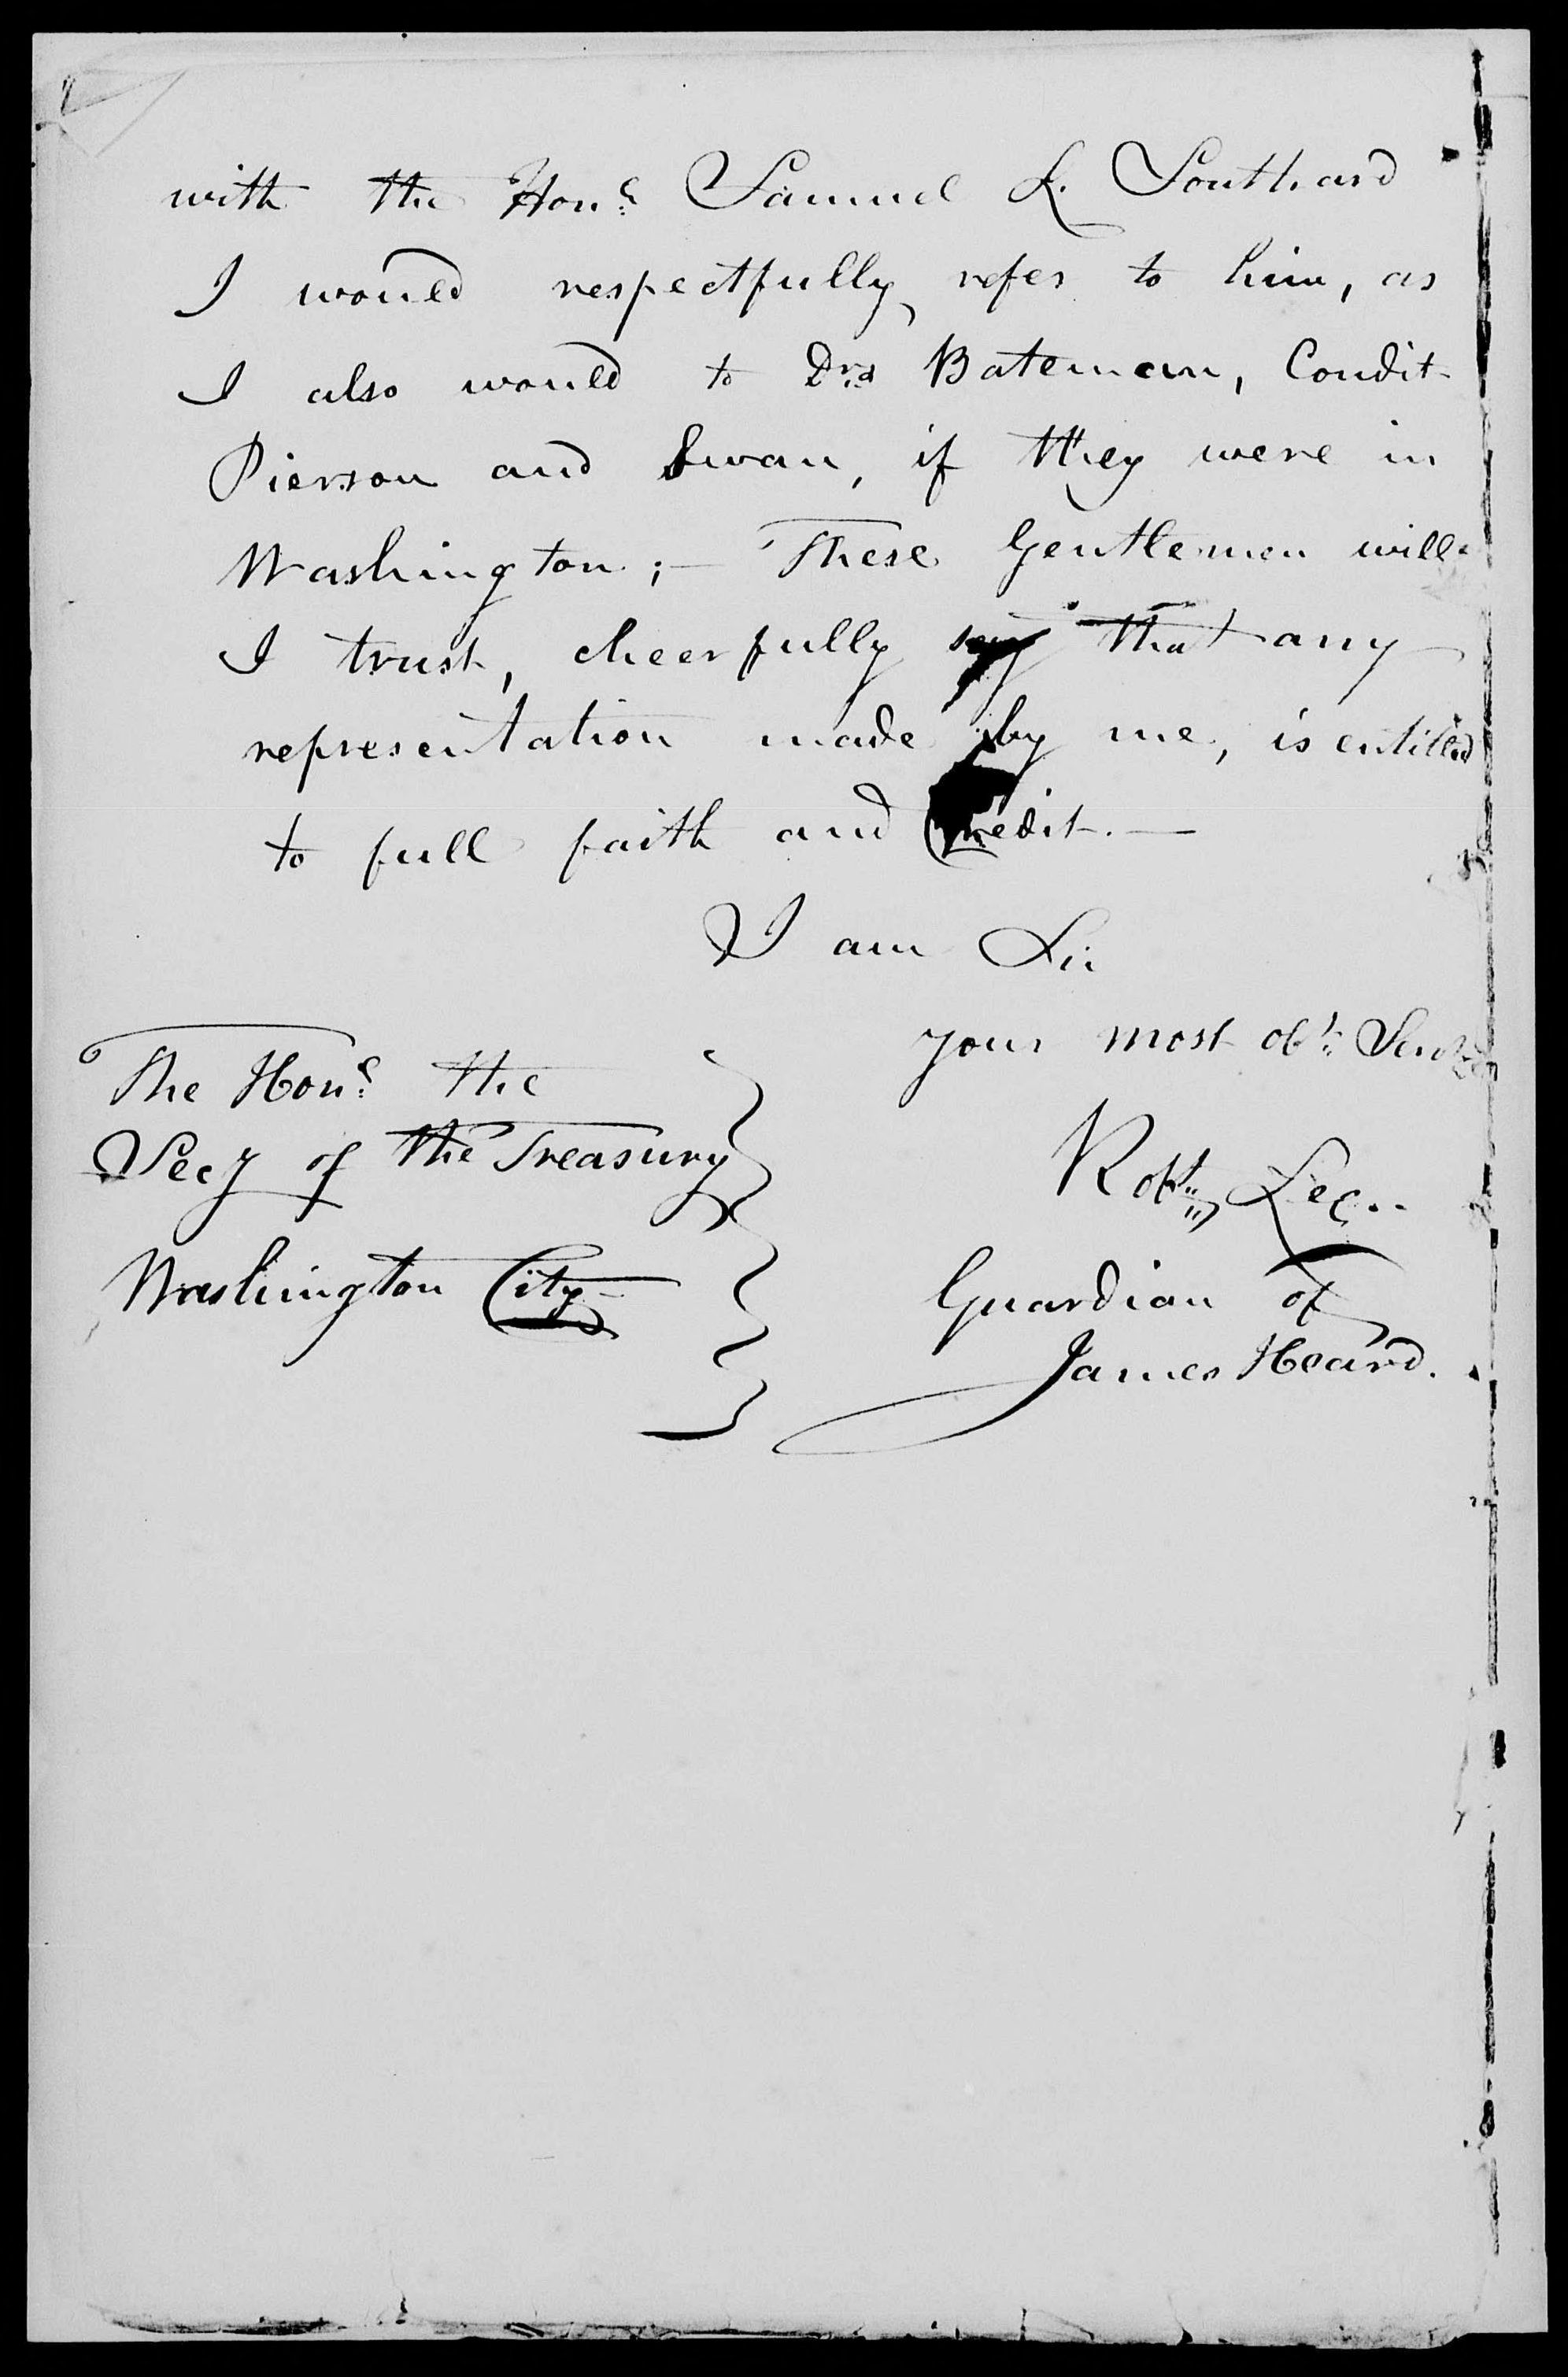With the Hon. Samuel L. Southard, I would respectfully refer to him, as I also would to Messrs. Bateman, [Illegible], Pierson, and Swan, if they were in Washington; these gentlemen will I trust, cheerfully, that any representation made by me, is entitled to full faith and credit. 

The Hon. the 
Secretary of the Treasury
Washington City

I am sir your most obedient servant
Robert Lee,
Guardian of James Heard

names: Samuel L Southard, James Heard, Bateman, Robt Lee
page: 36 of 62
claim: survivor's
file: S. 540, James Heard, Continental - New Jersey Residence In 1818